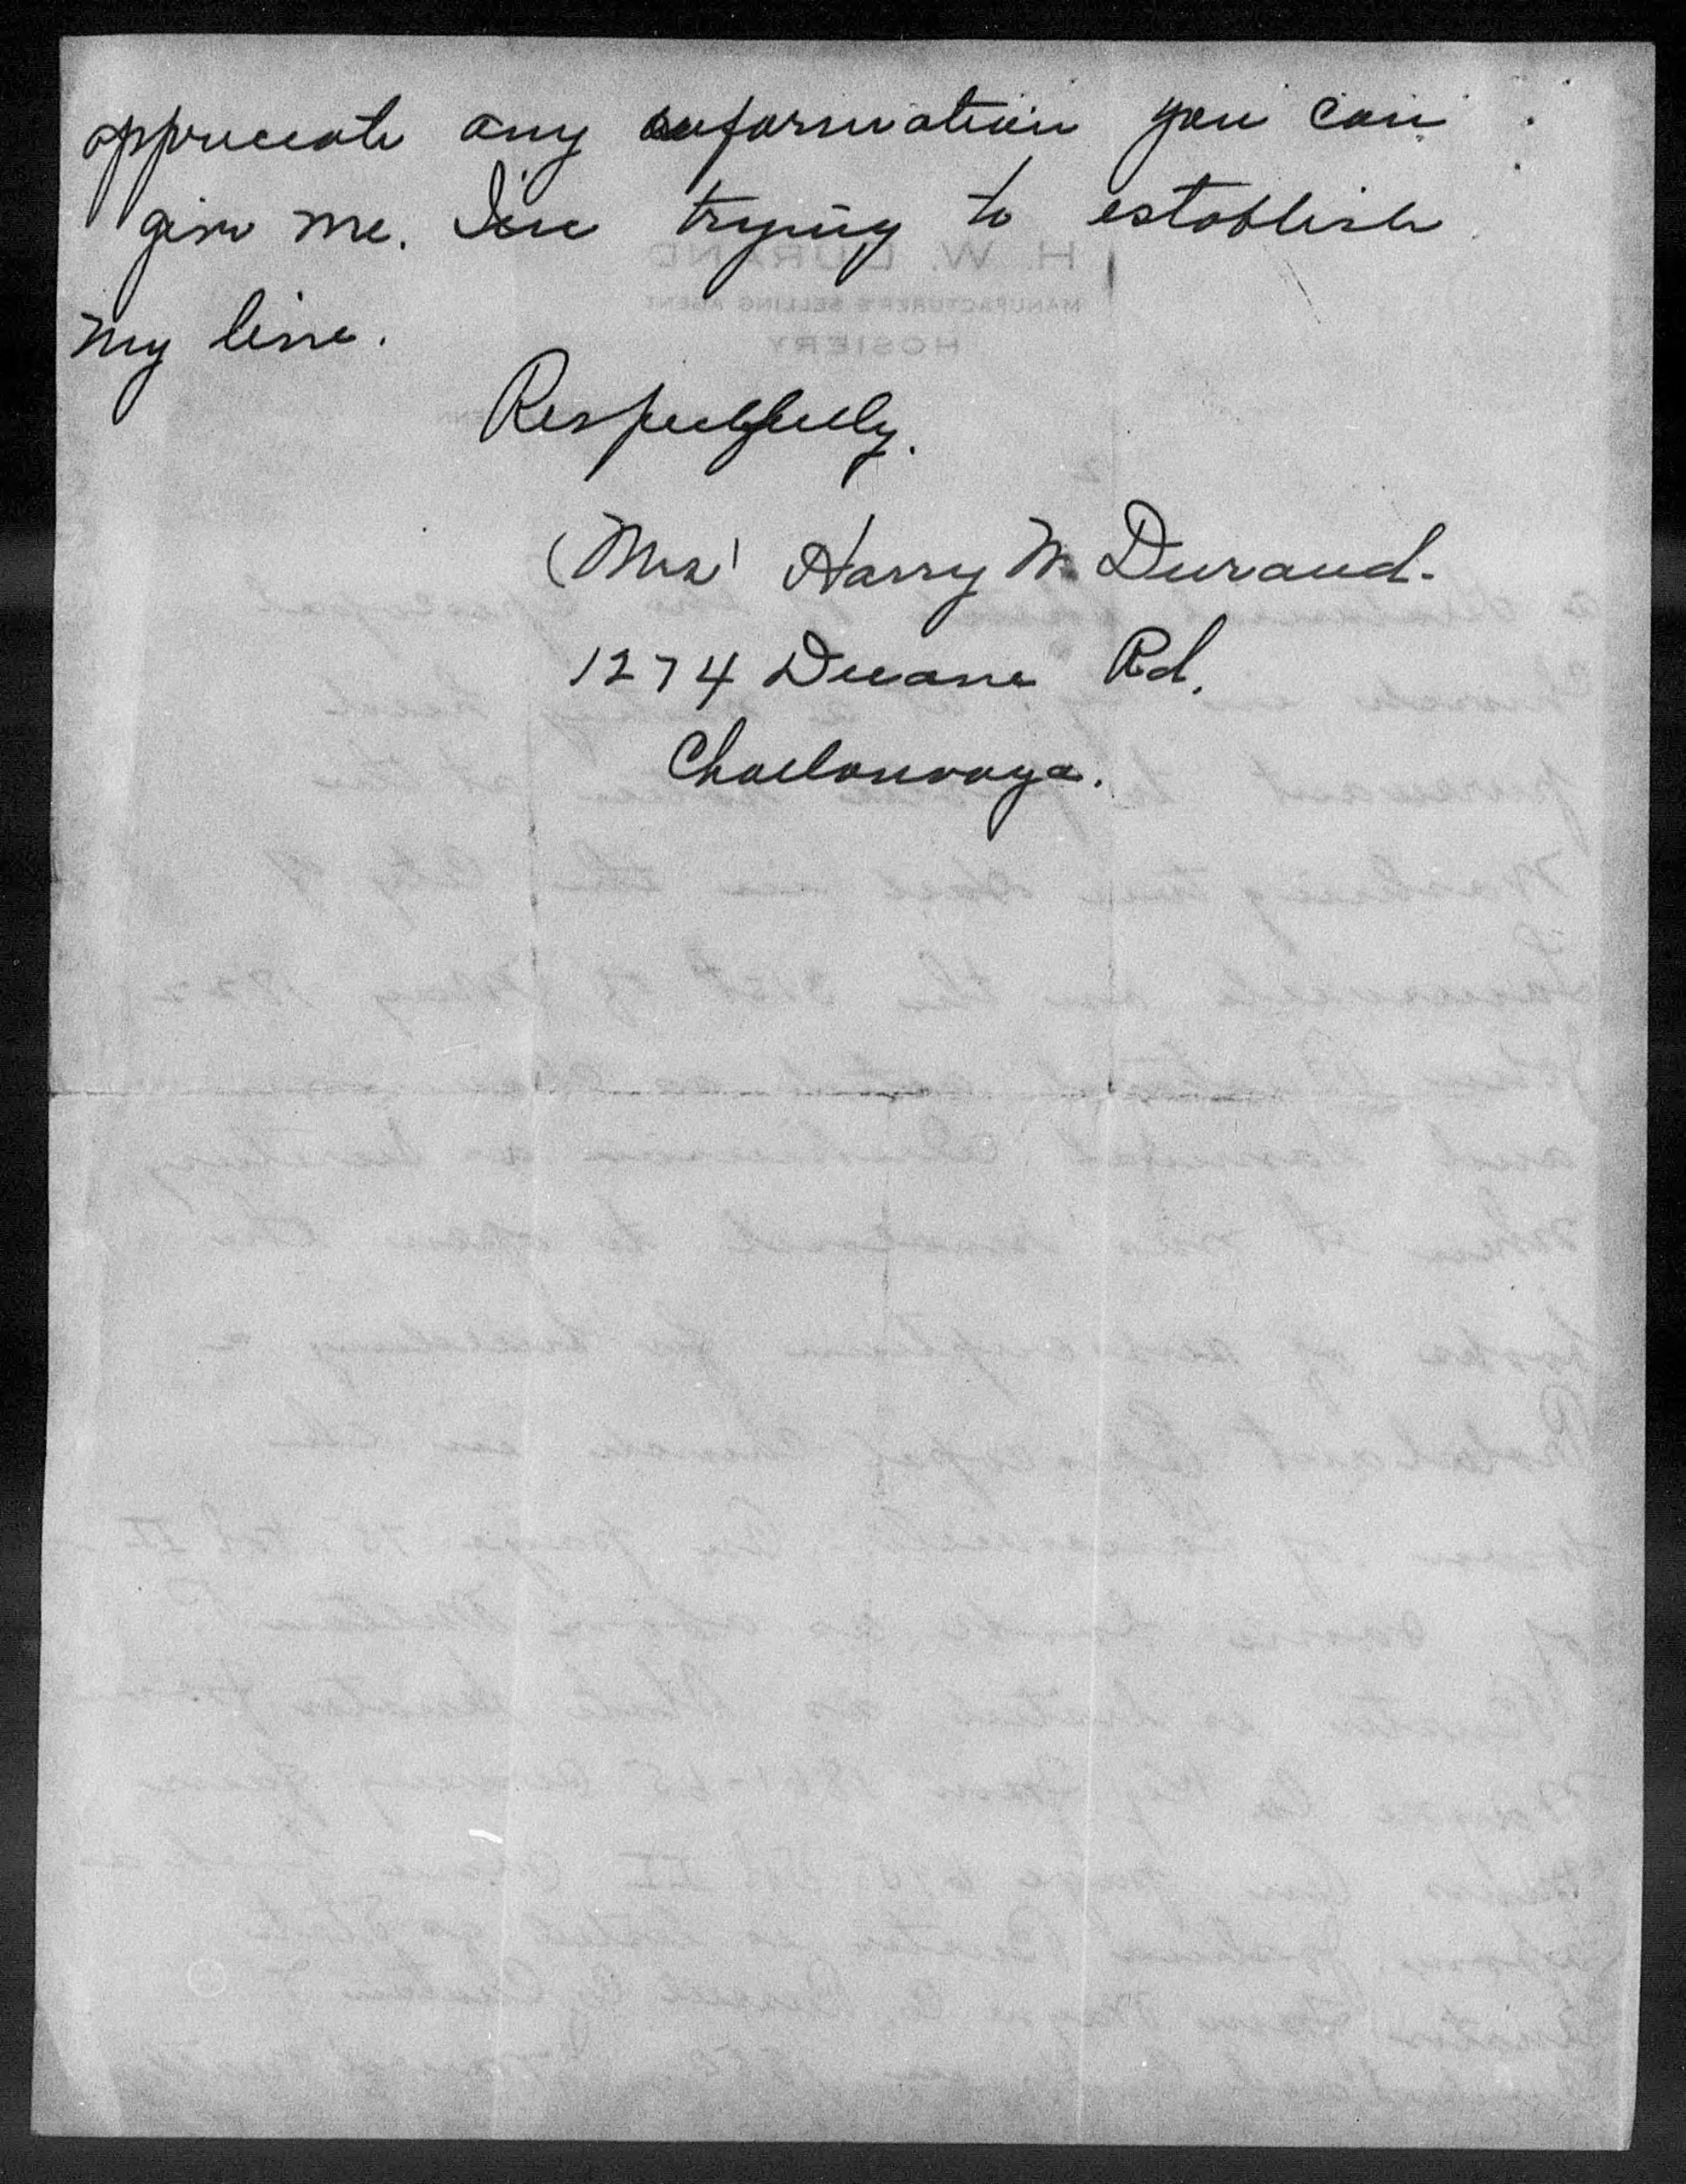appreciate any information you can give me. I'm trying to establish my line.

Respectfully,
(Mrs.) Harry W Durand
1274 Duane Rd.
Chattanooga.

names: Harry W Burand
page: 56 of 71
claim: widow's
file: W. 25310, Claudius Buster, Va.